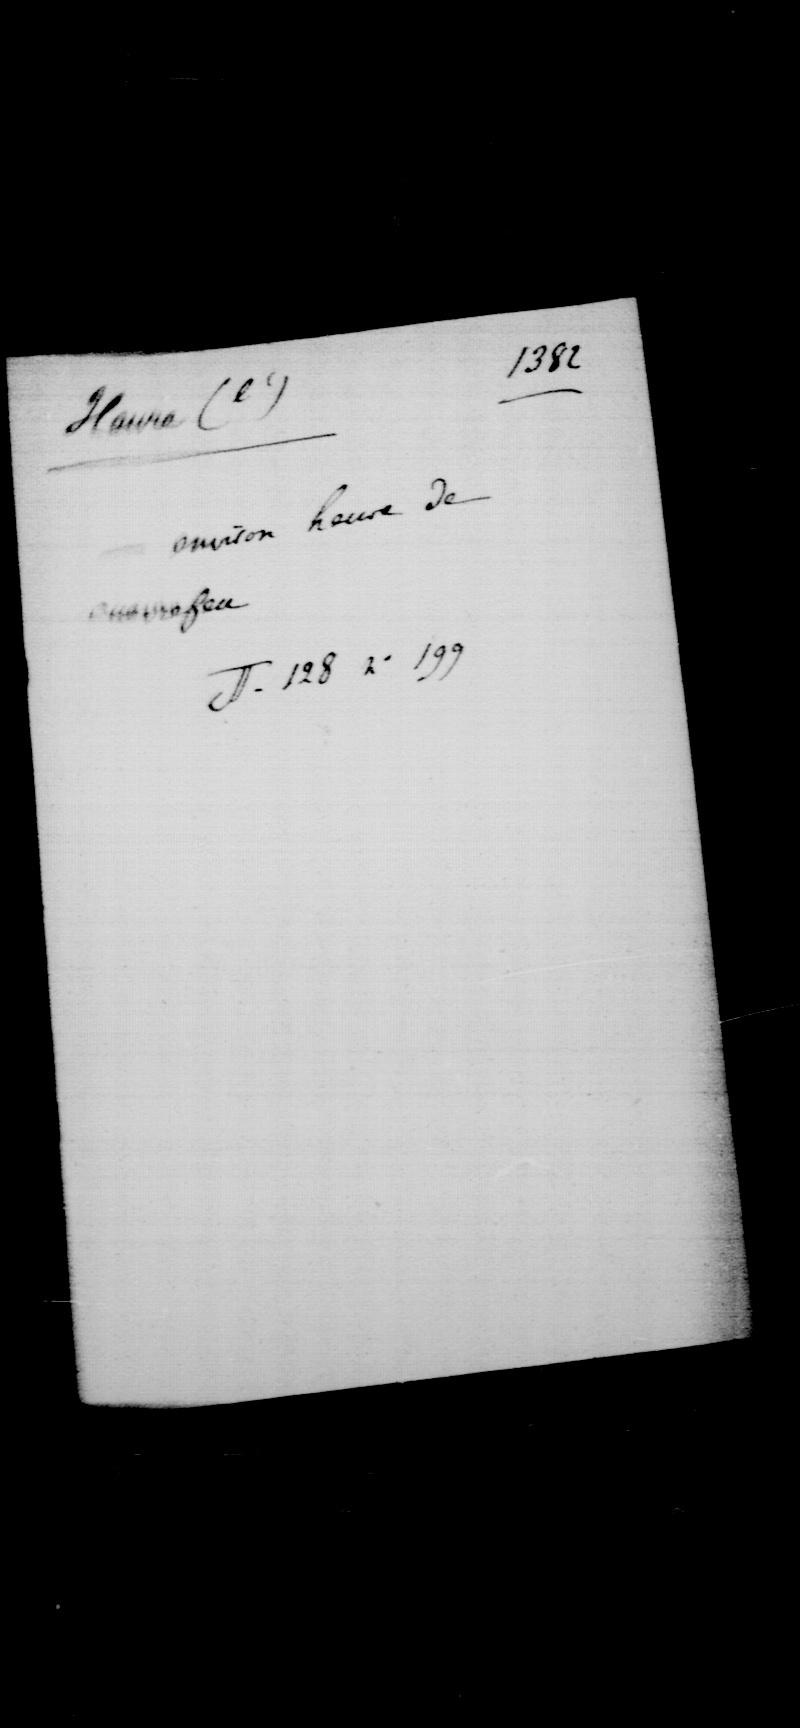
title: Heure (l')
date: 1382
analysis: - environ heure de couvre-feu
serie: JJ
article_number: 128
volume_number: n° 199
